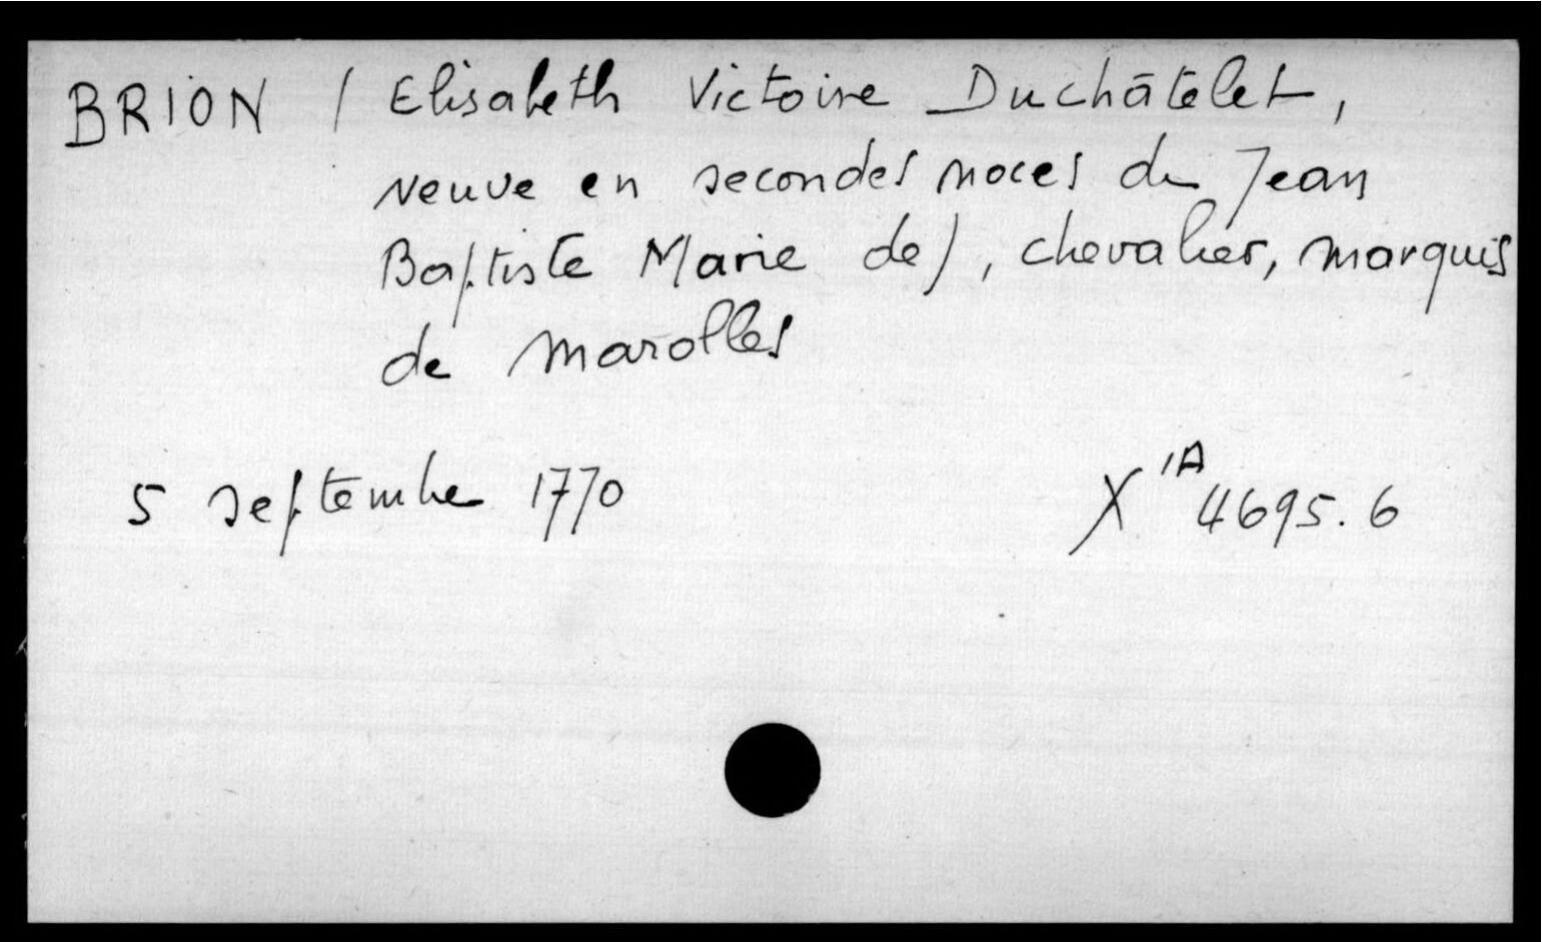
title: BRION (Elisabeth Victoire Duchâtelet, veuve en secondes noces de Jean Baptiste Marie de, chevalier, marquis de Marolles)
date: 5 septembre 1770
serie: X1A
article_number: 4695
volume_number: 6
